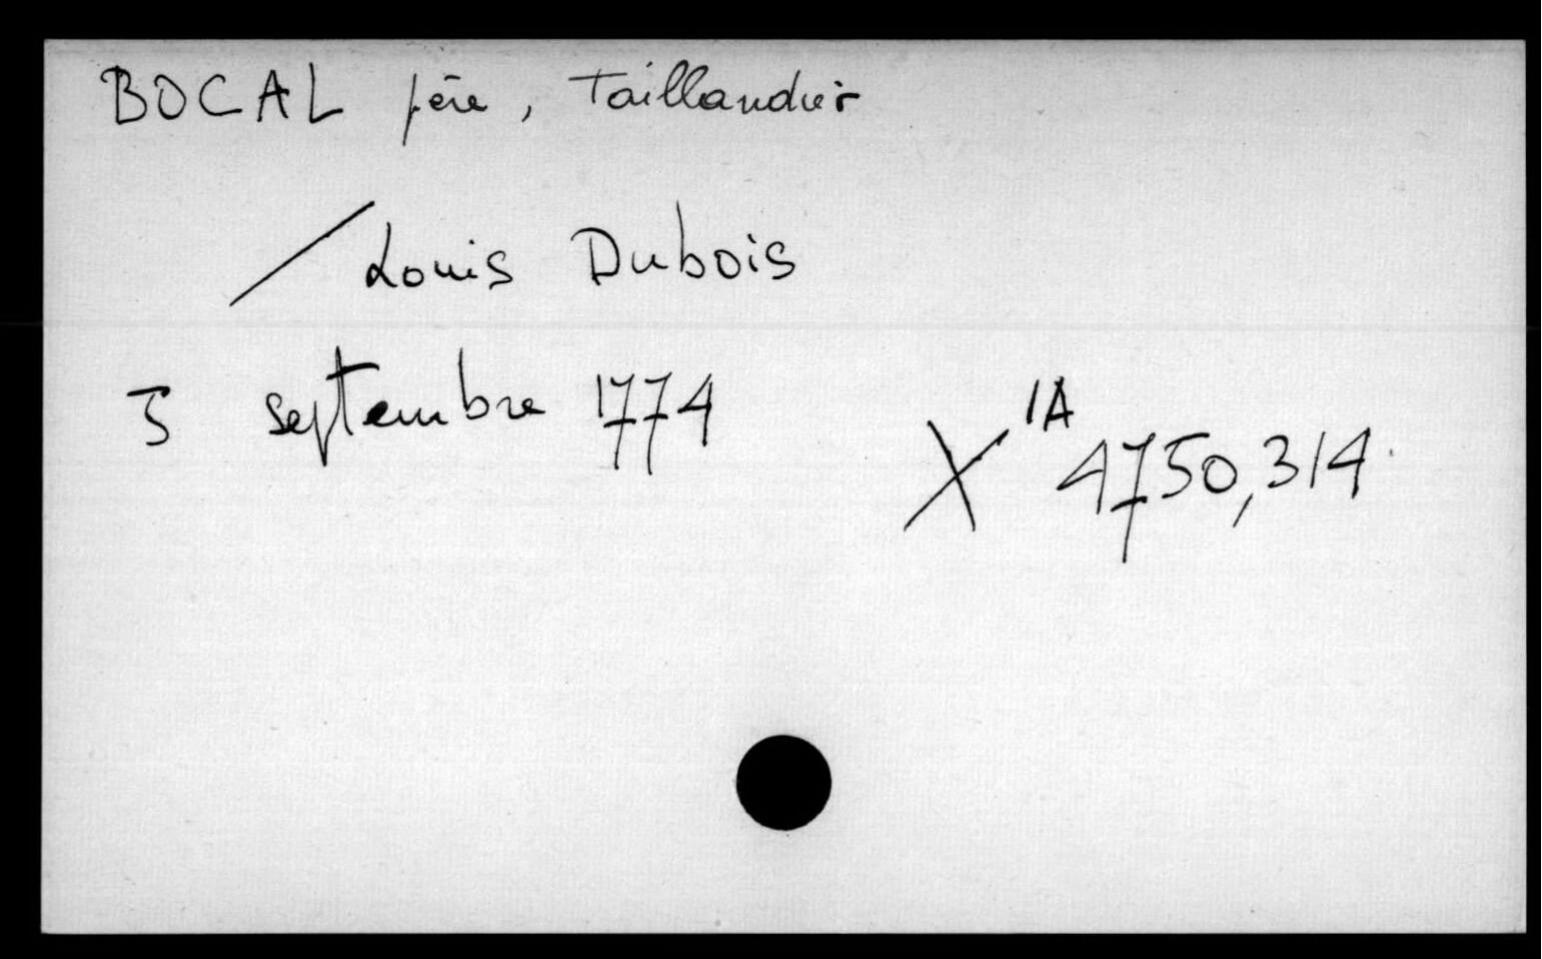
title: BOCAL père, Taillandier
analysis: Contre Louis Dubois
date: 3 septembre 1774
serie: X1A
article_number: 4750
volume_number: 314
